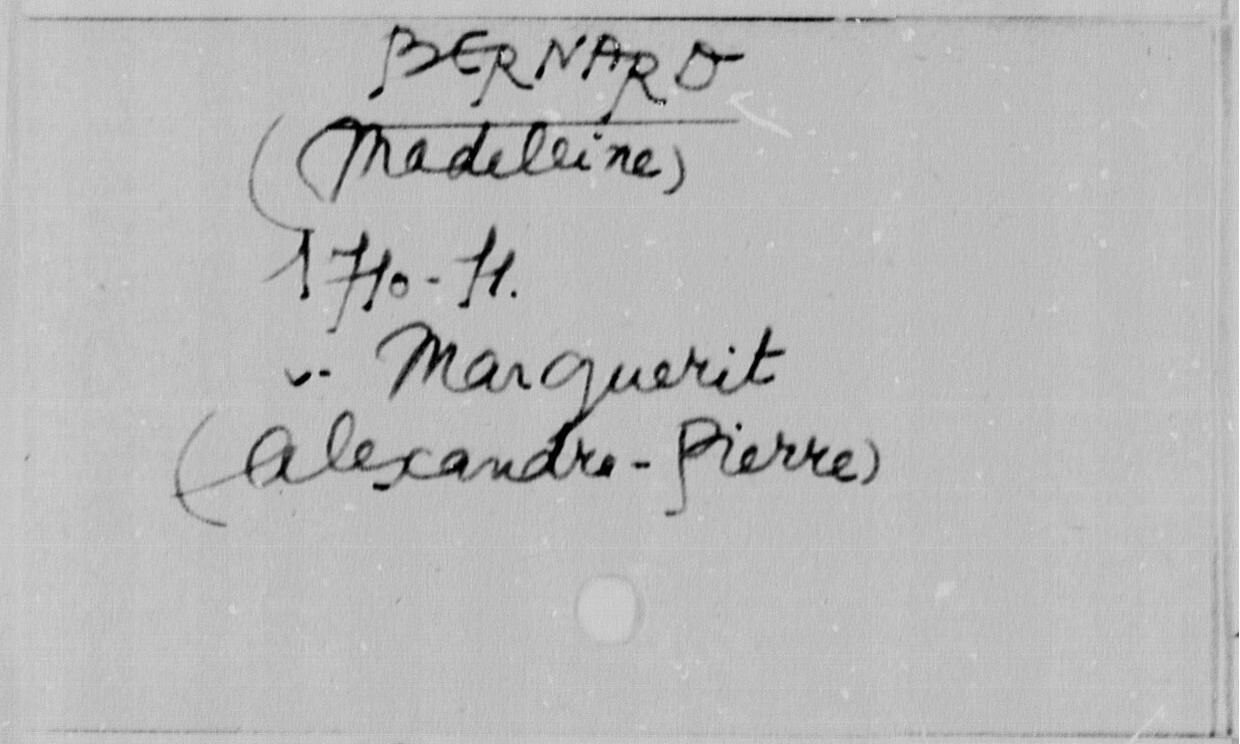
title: BERNARD (Madeleine)
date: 1710-1711
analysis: Voir Marguerit (Alexandre-Pierre)
